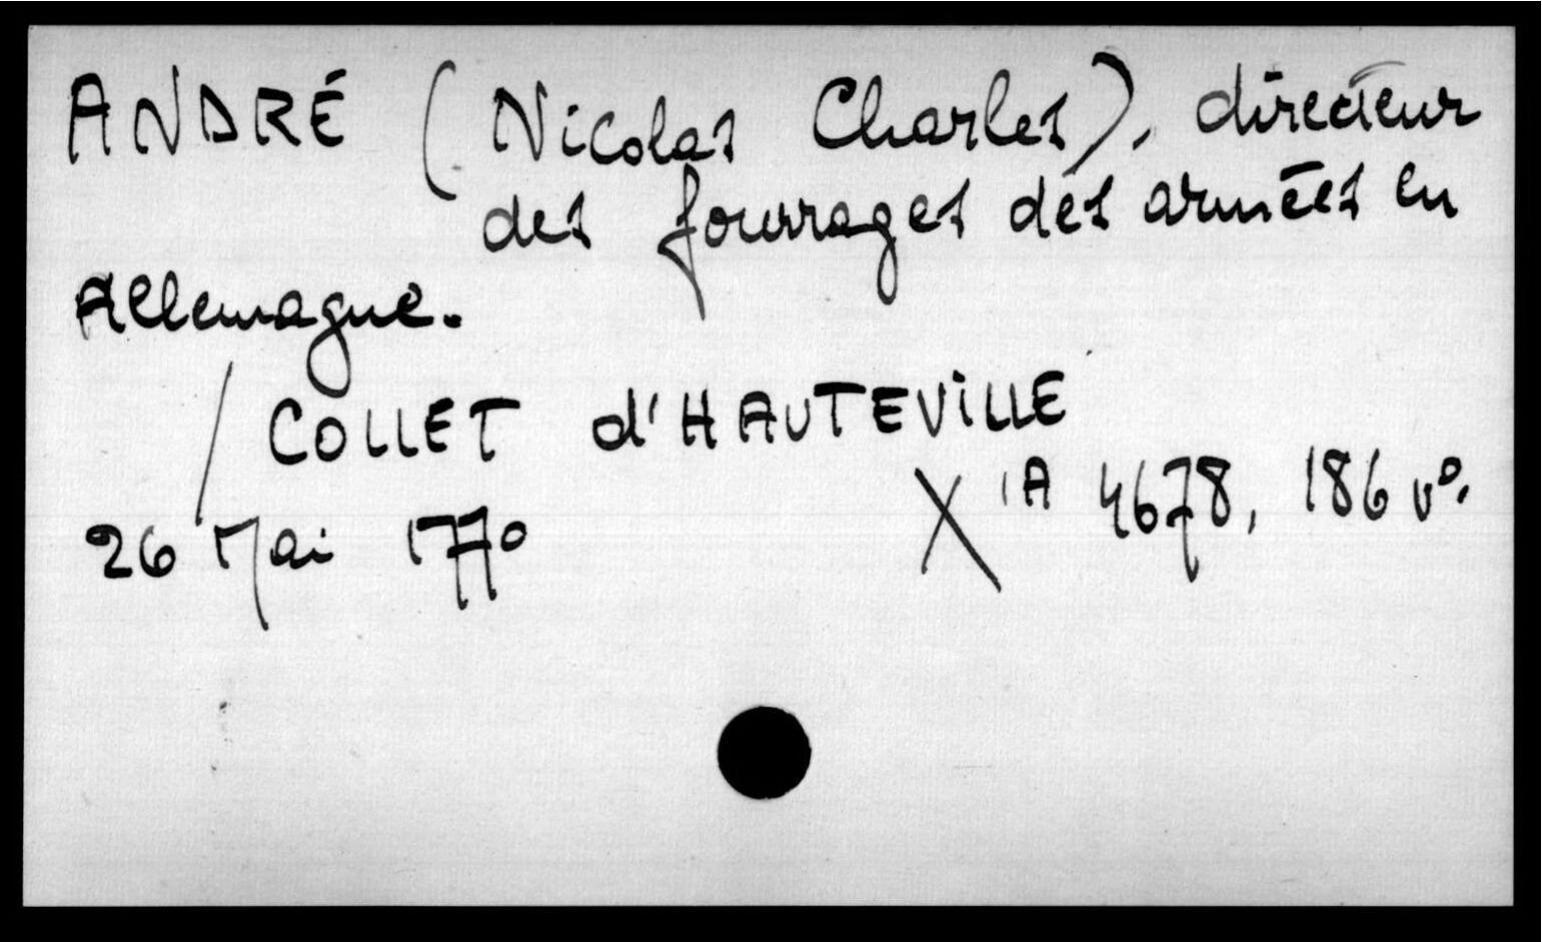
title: ANDRÉ (Nicolas Charles), directeur des fourrages des armées en Allemagne
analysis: Contre COLLET d'HAUTEVILLE
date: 26 mai 1770
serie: X1A
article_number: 4678
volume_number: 186v
